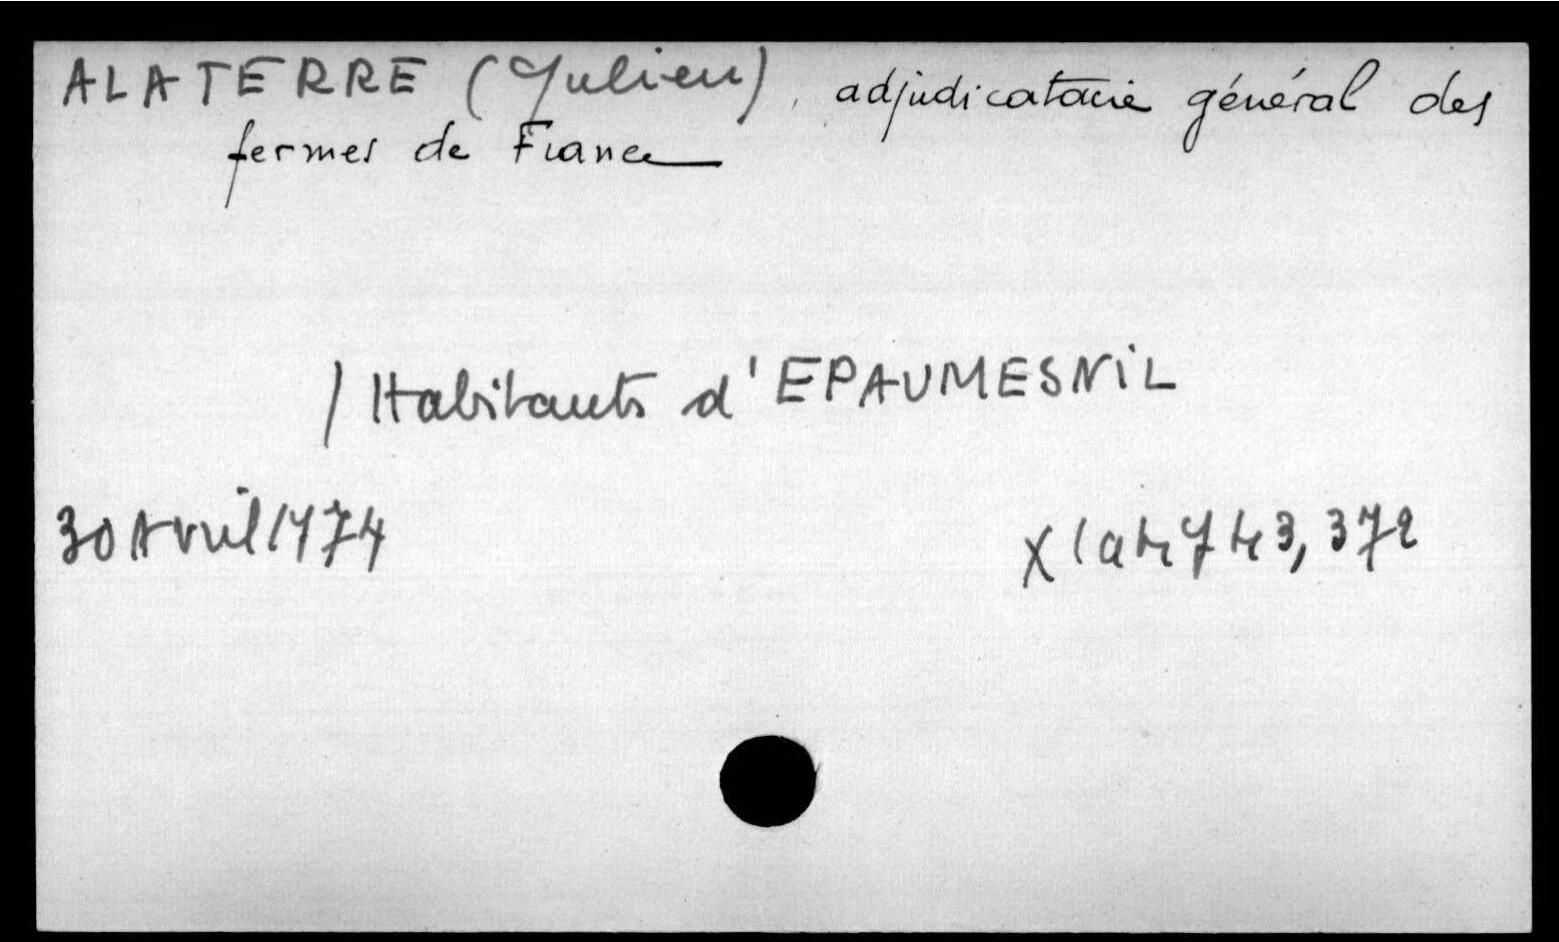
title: ALATERRE (Julien) Adjudicataire général des fermes de France
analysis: Contre Habitants d'EPAUMESNIL
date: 30 avril 1774
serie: X1a
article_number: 4743
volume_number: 372
